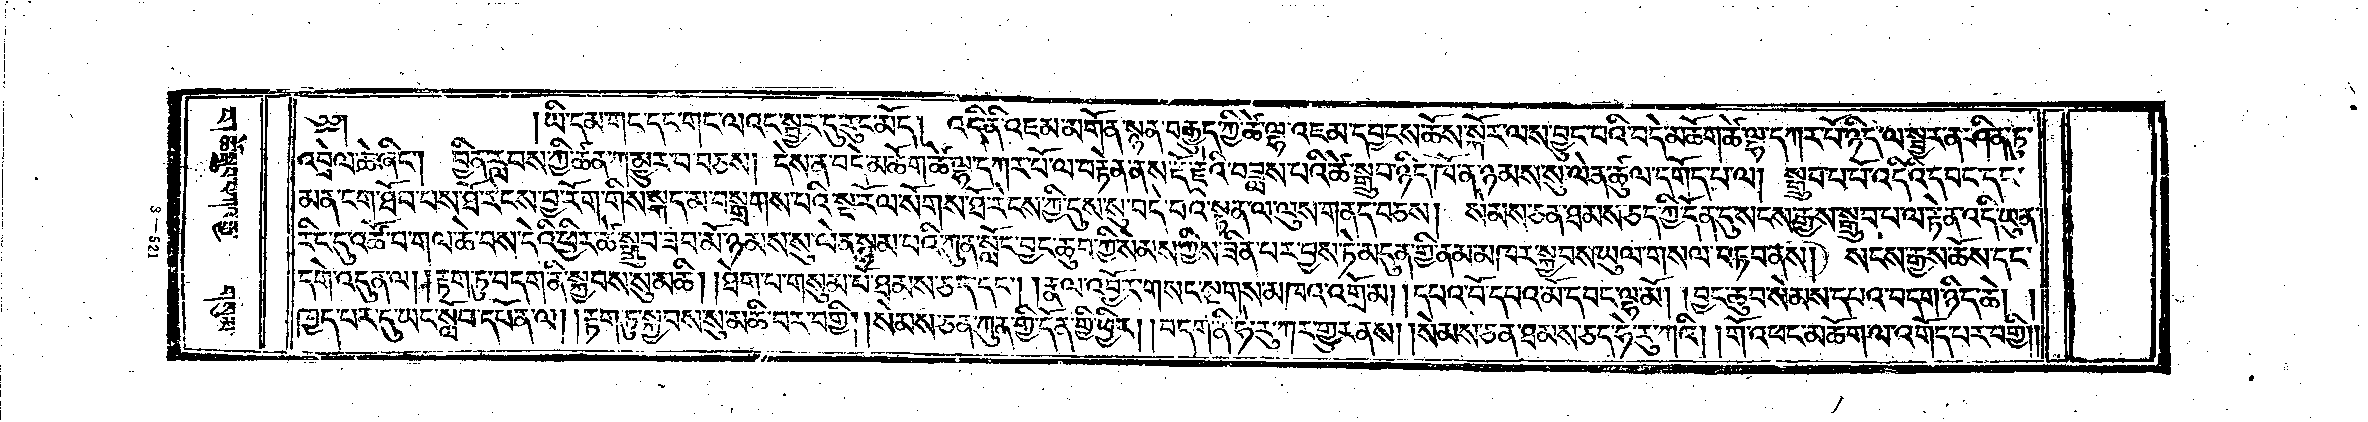༄༅། །ཡི་དམ་གང་དང་གང་ལའང་སྦྱར་དུ་རུང་མོད། འདི་ནི་འཇམ་མགོན་སྙན་བརྒྱུད་ཀྱི་ཚེ་ལྷ་འཇམ་དབྱངས་ཆོས་སྐོར་ལས་བྱུང་བའི་བདེ་མཆོག་ཚེ་ལྷ་དཀར་པོ་ཉིད་ལ་སྦྱར་ན་ཤིན་ཏུ་
འབྲེལ་ཆེ་ཞིང་། བྱིན་རླབས་ཀྱི་ཚན་ཀ་མྱུར་བ་བཅས། དེས་ན་བདེ་མཆོག་ཚེ་ལྷ་དཀར་པོ་ལ་བརྟེན་ནས་རྡོ་རྗེའི་བཟླས་པའི་ཚེ་སྒྲུབ་ཉིད་ཁོ་ན་ཉམས་སུ་ལེན་ཚུལ་དགོད་པ་ལ། སྒྲུབ་པ་པོ་འདིའི་དབང་དང་
མན་ངག་ཐོབ་པས་ཐོ་རངས་བྱ་རོག་གིས་སྐད་མ་བསྒྲགས་པའི་སྔ་རོལ་སོགས་ཐོ་རེངས་ཀྱི་དུས་སུ་བདེ་བའི་སྟན་ལ་ལུས་གནད་བཅས། སེམས་ཅན་ཐམས་ཅད་ཀྱི་དོན་དུ་སངས་རྒྱས་སྒྲུབ་པ་ལ་རྟེན་འདི་ཡུན་
རིང་དུ་འཚོ་བ་གལ་ཆེ་བས་དེའི་ཕྱིར་ཚེ་སྒྲུབ་ཟབ་མོ་ཉམས་སུ་ལེན་སྙམ་པའི་ཀུན་སློང་བྱང་ཆུབ་ཀྱི་སེམས་ཀྱིས་ཟིན་པར་བྱས་ཏེ་མདུན་གྱི་ནམ་མཁར་སྐྱབས་ཡུལ་གསལ་བཏབ་ནས། སངས་རྒྱས་ཆོས་དང་
དགེ་འདུན་ལ། །རྟག་ཏུ་བདག་ནི་སྐྱབས་སུ་མཆི། །ཐེག་པ་གསུམ་པོ་ཐམས་ཅད་དང་། །རྣལ་འབྱོར་གསང་སྔགས་མཁའ་འགྲོ་མ། །དཔའ་བོ་དཔའ་མོ་དབང་ལྷ་མོ། །བྱང་ཆུབ་སེམས་དཔའ་བདག་ཉིད་ཆེ། །
ཁྱད་པར་དུ་ཡང་སློབ་དཔོན་ལ། །རྟག་ཏུ་སྐྱབས་སུ་མཆི་བར་བགྱི། །སེམས་ཅན་ཀུན་གྱི་དོན་གྱི་ཕྱིར། །བདག་ནི་ཧེ་རུ་ཀར་གྱུར་ནས། །སེམས་ཅན་ཐམས་ཅད་ཧེ་རུ་ཀའི། །གོ་འཕང་མཆོག་ལ་འགོད་པར་བགྱི།།